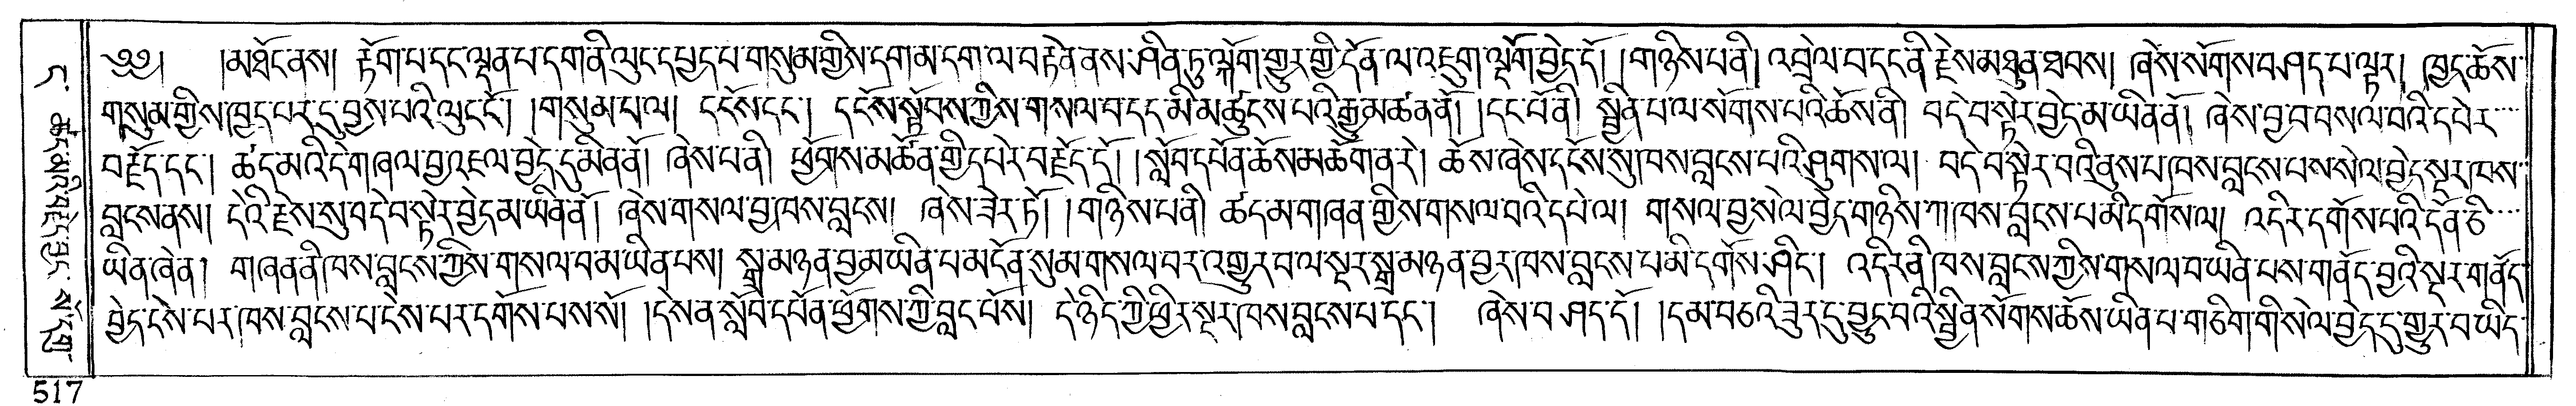༄༅། །མཐོང་ནས། རྟོག་པ་དང་ལྡན་པ་དག་ནི་ལུང་དཔྱད་པ་གསུམ་གྱིས་དག་མ་དག་ལ་བརྟེན་ནས་ཤིན་ཏུ་ལྐོག་གྱུར་གྱི་དོན་ལ་འཇུག་ལྡོག་བྱེད་དོ། །གཉིས་པ་ནི། འབྲེལ་པ་དང་ནི་རྗེས་མཐུན་ཐབས། ཞེས་སོགས་བཤད་པ་ལྟར། ཁྱད་ཆོས་
གསུམ་གྱིས་ཁྱད་པར་དུ་བྱས་པའི་ལུང་ངོ། །གསུམ་པ་ལ། དངོས་དང་། དངོས་སྟོབས་ཀྱིས་གསལ་བ་དང་མི་མཚུངས་པའི་རྒྱུ་མཚན་ནོ། །དང་པོ་ནི། སྦྱིན་པ་ལ་སོགས་པའི་ཆོས་ནི། བདེ་བ་སྟེར་བྱེད་མ་ཡིན་ནོ། ཞེས་བྱ་བ་བསལ་བའི་དཔེར་
བརྗོད་དང་། ཚད་མའི་དེ་གཞལ་བྱ་འཇལ་བྱེད་དུ་མིན་ནོ། ཞེས་པ་ནི། ཕྱོགས་མཚོན་གྱི་དཔེར་བརྗོད་དོ། །སློབ་དཔོན་ཆོས་མཆོག་ན་རེ། ཆོས་ཞེས་དངོས་སུ་ཁས་བླངས་པའི་ཤུགས་ལ། བདེ་བ་སྟེར་བའི་ནུས་པ་ཁས་བླངས་པས་སེལ་བྱེད་སྔར་ཁས་
བླངས་ནས། དེའི་རྗེས་སུ་བདེ་བ་སྟེར་བྱེད་མ་ཡིན་ནོ། ཞེས་གསལ་བྱ་ཁས་བླངས། ཞེས་ཟེར་ཏོ། །གཉིས་པ་ནི། ཚད་མ་གཞན་གྱིས་གསལ་བའི་དཔེ་ལ། གསལ་བྱ་སེལ་བྱེད་གཉིས་ཀ་ཁས་བླངས་པ་མི་དགོས་ལ། འདིར་དགོས་པའི་དོན་ཅི་
ཡིན་ཞེ་ན། གཞན་ནི་ཁས་བླངས་ཀྱིས་གསལ་བ་མ་ཡིན་པས། སྒྲ་མཉན་བྱ་མ་ཡིན་པ་མངོན་སུམ་གསལ་བར་འགྱུར་བ་ལ་སྔར་སྒྲ་མཉན་བྱར་ཁས་བླངས་པ་མི་དགོས་ཤིང་། འདིར་ནི་ཁས་བླངས་ཀྱིས་གསལ་བ་ཡིན་པས་གནོད་བྱའི་སྔར་གནོད་
བྱེད་ངེས་པར་ཁས་བླངས་པ་ངེས་པར་དགོས་པས་སོ། །དེས་ན་སློབ་དཔོན་ཕྱོགས་ཀྱི་གླང་པོས། དེ་ཉིད་ཀྱི་ཕྱིར་སྔར་ཁས་བླངས་པ་དང་། ཞེས་བཤད་དོ། །དམ་བཅའི་ཟུར་དུ་བྱུང་བའི་སྦྱིན་སོགས་ཆོས་ཡིན་པ་གཅིག་གི་སེལ་བྱེད་དུ་གྱུར་པ་ཡིད་